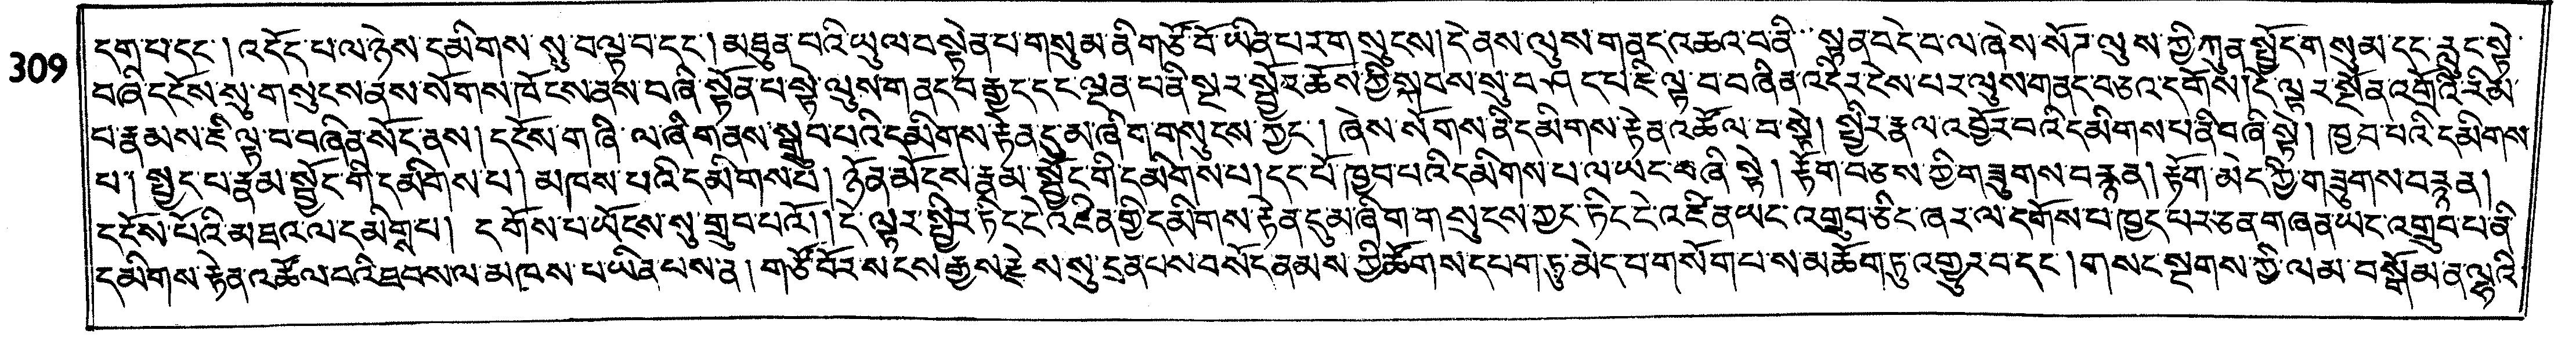དག་པ་དང་། འདོད་པ་ལ་ཉེས་དམིགས་སུ་བལྟ་བ་དང་། མཐུན་པའི་ཡུལ་བསྟེན་པ་གསུམ་ནི་གཙོ་བོ་ཡིན་པར་གསུངས། དེ་ནས་ལུས་གནད་འཆའ་བ་ནི་སྟན་བདེ་བ་ལ་ཞེས་སོགས་ལུས་ཀྱི་ཀུན་སྤྱོད་གསུམ་དང་རླུང་སྟེ་
བཞི་དངོས་སུ་གསུངས་ནས་སོགས་ཁོངས་ནས་བཞི་སྟོན་པ་སྟེ་ལུས་གནད་བརྒྱད་དང་ལྡན་པ་ནི་སྔར་སྦྱོར་ཆོས་ཀྱི་སྐབས་སུ་བཤད་པ་ཇི་ལྟ་བ་བཞིན་འདིར་ངེས་པར་ལུས་གནད་བཅའ་དགོས། དེ་ལྟར་སྔོན་འགྲོའི་རིམ་
པ་རྣམས་ཇི་ལྟ་བ་བཞིན་སོང་ནས། དངོས་གཞི་ལ་ཞི་གནས་སྒྲུབ་པའི་དམིགས་རྟེན་དུ་མ་ཞིག་གསུངས་ཀྱང་། ཞེས་སོགས་ནི་དམིགས་རྟེན་འཚོལ་བ་སྟེ། སྤྱིར་རྣལ་འབྱོར་བའི་དམིགས་པ་ནི་བཞི་སྟེ། ཁྱབ་པའི་དམིགས་
པ༑ སྤྱད་པ་རྣམ་སྦྱོང་གི་དམིགས་པ། མཁས་པའི་དམིགས་པ། ཉོན་མོངས་རྣམ་སྦྱོང་གི་དམིགས་པ། དང་པོ་ཁྱབ་པའི་དམིགས་པ་ལ་ཡང་བཞི་སྟེ། རྟོག་བཅས་ཀྱི་གཟུགས་བརྙན། རྟོག་མེད་ཀྱི་གཟུགས་བརྙན།
དངོས་པོའི་མཐའ་ལ་དམིགས་པ། དགོས་པ་ཡོངས་སུ་གྲུབ་པའོ། །དེ་ལྟར་སྤྱིར་ཏིང་ངེ་འཛིན་གྱི་དམིགས་རྟེན་དུ་མ་ཞིག་གསུངས་ཀྱང་ཏིང་ངེ་འཛིན་ཡང་འགྲུབ་ཅིང་ཞར་ལ་དགོས་པ་ཁྱད་པར་ཅན་གཞན་ཡང་འགྲུབ་པ་ནི་
དམིགས་རྟེན་འཚོལ་བའི་ཐབས་ལ་མཁས་པ་ཡིན་པས་ན། གཙོ་བོར་སངས་རྒྱས་རྗེས་སུ་དྲན་པས་བསོད་ནམས་ཀྱི་ཚོགས་དཔག་ཏུ་མེད་པ་གསོག་པ་ས་མཆོག་ཏུ་འགྱུར་བ་དང་། གསང་སྔགས་ཀྱི་ལམ་བསྒོམ་ན་ལྷའི་